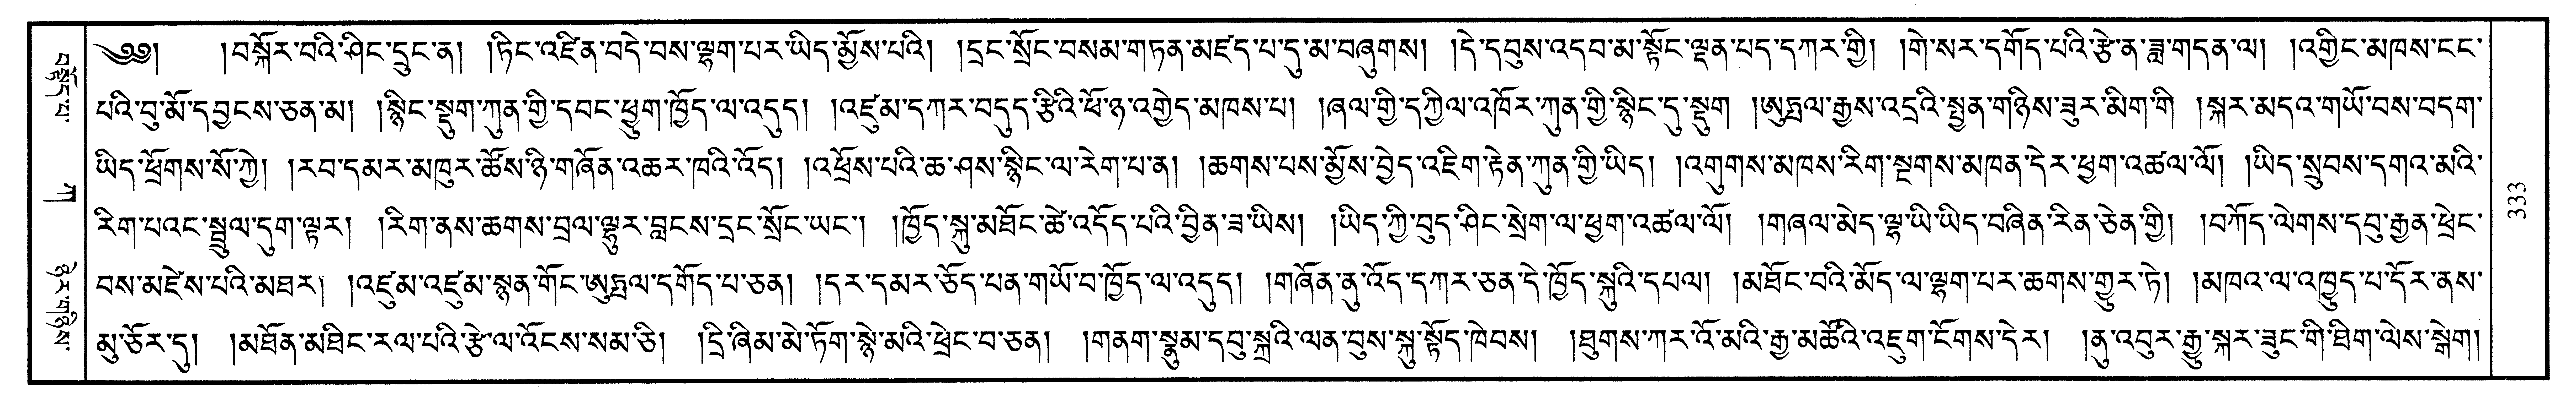༄༅། །བསྐོར་བའི་ཤིང་དྲུང་ན། །ཏིང་འཛིན་བདེ་བས་ལྷག་པར་ཡིད་མྱོས་པའི། །དྲང་སྲོང་བསམ་གཏན་མཛད་པ་དུ་མ་བཞུགས། །དེ་དབུས་འདབ་མ་སྟོང་ལྡན་པད་དཀར་གྱི། །གེ་སར་དགོད་པའི་རྩེ་ན་ཟླ་གདན་ལ། །འགྱིང་མཁས་ངང་
པའི་བུ་མོ་དབྱངས་ཅན་མ། །སྙིང་སྡུག་ཀུན་གྱི་དབང་ཕྱུག་ཁྱོད་ལ་འདུད། །འཛུམ་དཀར་བདུད་རྩིའི་ཕོ་ཉ་འགྱེད་མཁས་པ། །ཞལ་གྱི་དཀྱིལ་འཁོར་ཀུན་གྱི་སྙིང་དུ་སྡུག །ཨུཏྤལ་རྒྱས་འདྲའི་སྤྱན་གཉིས་ཟུར་མིག་གི །སྐར་མདའ་གཡོ་བས་བདག་
ཡིད་ཕྲོགས་སོ་ཀྱེ། །རབ་དམར་མཁུར་ཚོས་ཉི་གཞོན་འཆར་ཁའི་འོད། །འཕྲོས་པའི་ཆ་ཤས་སྙིང་ལ་རེག་པ་ན། །ཆགས་པས་མྱོས་བྱེད་འཇིག་རྟེན་ཀུན་གྱི་ཡིད། །འགུགས་མཁས་རིག་སྔགས་མཁན་དེར་ཕྱག་འཚལ་ལོ། །ཡིད་སྲུབས་དགའ་མའི་
རིག་པའང་སྦྲུལ་དུག་ལྟར། །རིག་ནས་ཆགས་བྲལ་ལྷུར་བླངས་དྲང་སྲོང་ཡང་། །ཁྱོད་སྐུ་མཐོང་ཚེ་འདོད་པའི་བྱིན་ཟ་ཡིས། །ཡིད་ཀྱི་བུད་ཤིང་སྲེག་ལ་ཕྱག་འཚལ་ལོ། །གཞལ་མེད་ལྷ་ཡི་ཡིད་བཞིན་རིན་ཅེན་གྱི། །བཀོད་ལེགས་དབུ་རྒྱན་ཕྲེང་
བས་མཛེས་པའི་མཐར། །འཛུམ་འཛུམ་སྙན་གོང་ཨུཏྤལ་དགོད་པ་ཅན། །དར་དམར་ཅོད་པན་གཡོ་བ་ཁྱོད་ལ་འདུད། །གཞོན་ནུ་འོད་དཀར་ཅན་དེ་ཁྱོད་སྐུའི་དཔལ། །མཐོང་བའི་མོད་ལ་ལྷག་པར་ཆགས་གྱུར་ཏེ། །མཁའ་ལ་འཁྱུད་པ་དོར་ནས་
མུ་ཅོར་དུ། །མཐོན་མཐིང་རལ་པའི་རྩེ་ལ་འོངས་སམ་ཅི། །དྲི་ཞིམ་མེ་ཏོག་སྙེ་མའི་ཕྲེང་བ་ཅན། །གནག་སྣུམ་དབུ་སྐྲའི་ལན་བུས་སྐུ་སྟོད་ཁེབས། །ཐུགས་ཀར་འོ་མའི་རྒྱ་མཚོའི་འཇུག་ངོགས་དེར། །ནུ་འབུར་རྒྱུ་སྐར་ཟུང་གི་ཐིག་ལེས་སྒེག།